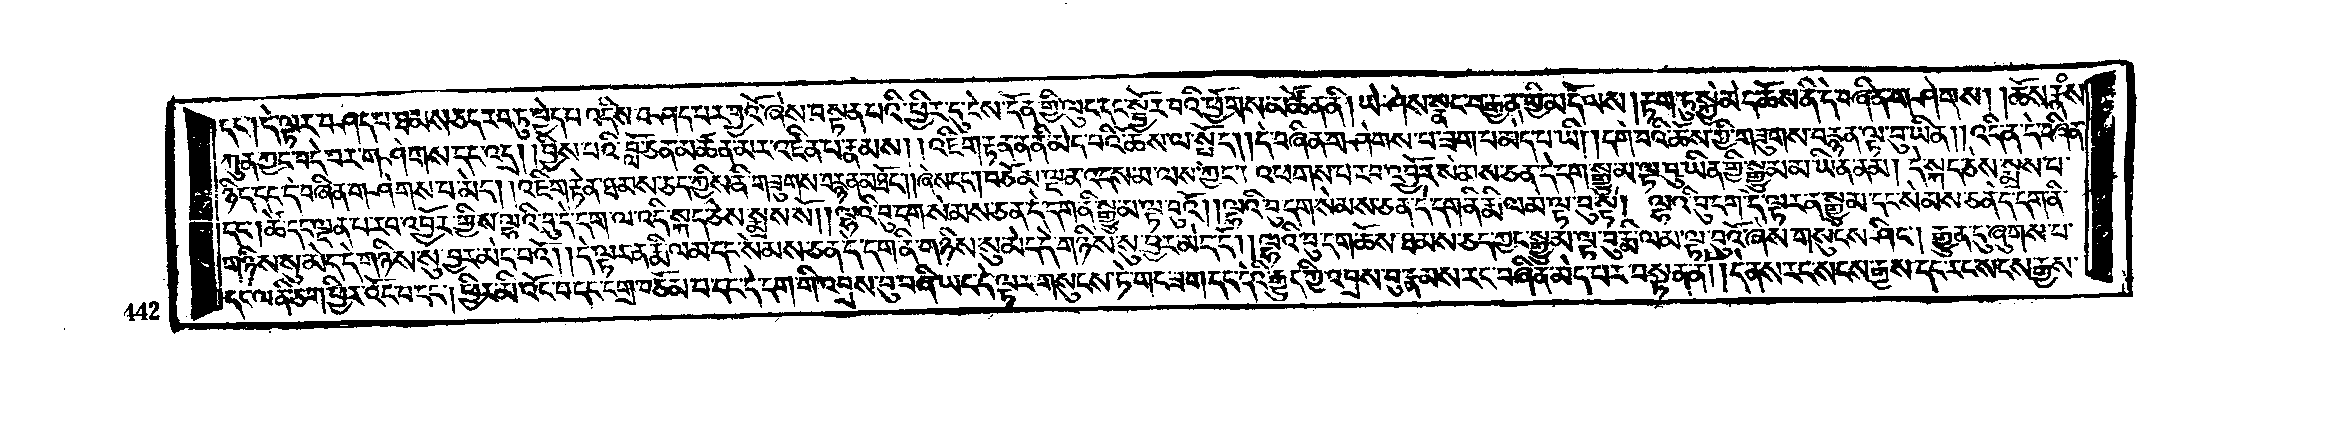དང་། དེ་ལྟར་བཤད་པ་ཐམས་ཅད་རབ་ཏུ་བྱེད་པ་འདིས་བཤད་པར་བྱའོ་ཞེས་བསྟན་པའི་ཕྱིར་དུ་ངེས་དོན་གྱི་ལུང་དང་སྦྱོར་བའི་ཕྱོགས་མཚོན་ནི། ཡེ་ཤེས་སྣང་བ་རྒྱན་གྱི་མདོ་ལས། རྟག་ཏུ་སྐྱེ་མེད་ཆོས་ནི་དེ་བཞིན་གཤེགས། །ཆོས་རྣཾས་
ཀུན་ཀྱང་བདེ་བར་གཤེགས་དང་འདྲ། །བྱིས་པའི་བློ་ཅན་མཚན་མར་འཛིན་པ་རྣམས། །འཇིག་རྟེན་ན་ནི་མེད་པའི་ཆོས་ལ་སྤོད། །དེ་བཞིན་གཤེགས་པ་ཟག་པ་མེད་པ་ཡི། །དགེ་བའི་ཆོས་ཀྱི་གཟུགས་བརྙན་ལྟ་བུ་ཡིན། །འདི་ན་དེ་བཞིན་
ཉིད་དང་དེ་བཞིན་གཤེགས་པ་མེད། །འཇིག་རྟེན་ཐམས་ཅད་ཀྱིས་ནི་གཟུགས་བརྙན་མཐོང་། །ཞེས་དང་། བཅོམ་ལྡན་འདས་མ་ལས་ཀྱང་། འཕགས་པ་རབ་འབྱོར་སེམས་ཅན་དེ་དག་སྒྱུ་མ་ལྟ་བུ་ཡིན་གྱི་སྒྱུ་མ་མ་ཡིན་ནམ། དེ་སྐད་ཅེས་སྨྲས་པ་
དང་། ཚེ་དང་ལྡན་པ་རབ་འབྱོར་གྱིས་ལྷའི་བུ་དེ་དག་ལ་འདི་སྐད་ཅེས་སྨྲས་སོ། །ལྷའི་བུ་དག་སེམས་ཅན་དེ་དག་ནི་སྒྱུ་མ་ལྟ་བུའོ། །ལྷའི་བུ་དག་སེམས་ཅན་དེ་དག་ནི་རྨི་ལམ་ལྟ་བུ་སྟེ། ལྷའི་བུ་དག་དེ་ལྟར་ན་སྒྱུ་མ་དང་སེམས་ཅན་དེ་དག་ནི་
གཉིས་སུ་མེད་དེ་གཉིས་སུ་བྱར་མེད་པའོ། །དེ་ལྟར་ན་རྨི་ལམ་དང་སེམས་ཅན་དེ་དག་ནི་གཉིས་སུ་མེད་དེ་གཉིས་སུ་བྱར་མེད་དོ། །ལྷའི་བུ་དག་ཆོས་ཐམས་ཅད་ཀྱང་སྒྱུ་མ་ལྟ་བུ་རྨི་ལམ་ལྟ་བུའོ་ཞེས་གསུངས་ཤིང་། རྒྱུན་དུ་ཞུགས་པ་
དང་ལ་ནི་ཅག་ཕྱིར་འོང་བ་དང་། ཕྱིར་མི་འོང་བ་དང་དགྲ་བཅོམ་པ་དང་དེ་དག་གི་འབྲས་བུ་བཞི་ཡང་དེ་ལྟར་གསུངས་ཏེ་གང་ཟག་དང་དེའི་རྒྱུད་ཀྱི་འབྲས་བུ་རྣམས་རང་བཞིན་མེད་པར་བསྟན་ནོ། །དེ་ནས་རང་སངས་རྒྱས་དང་རང་སངས་རྒྱས་